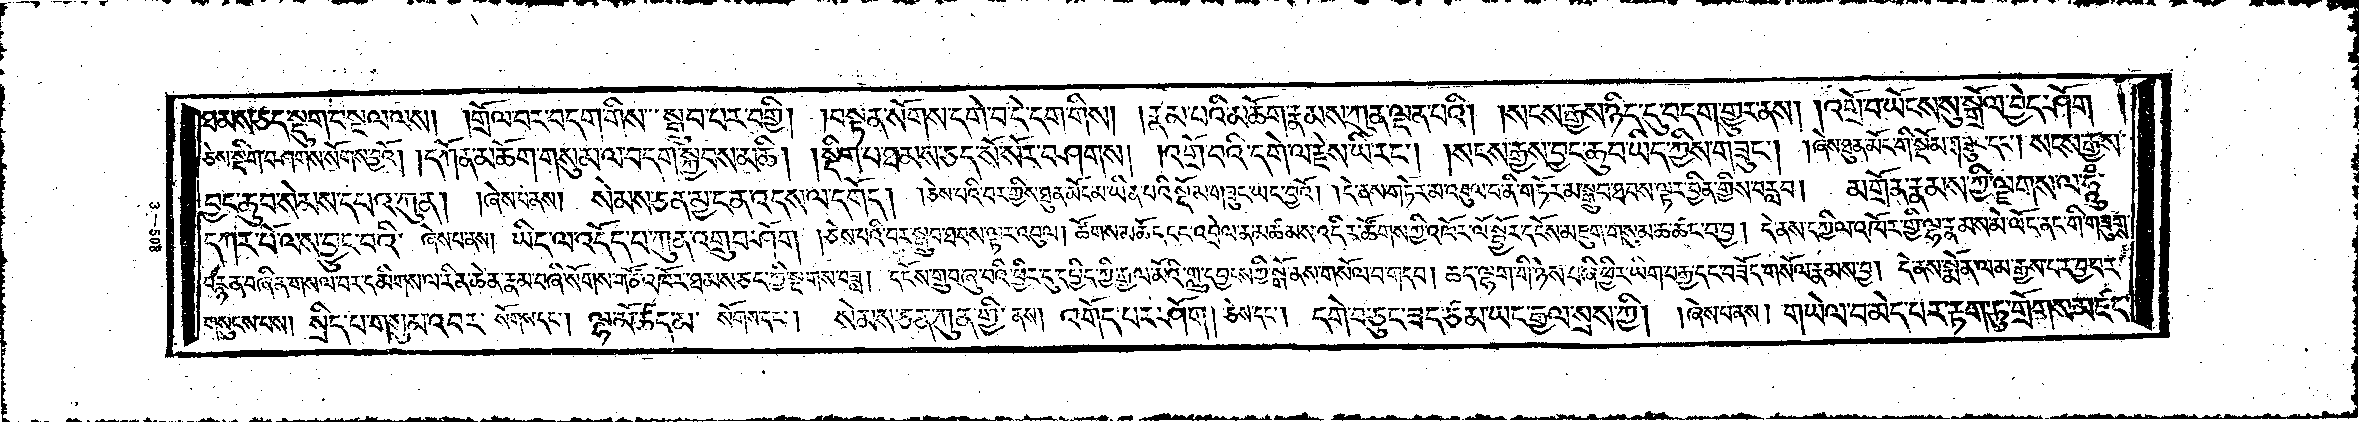ཐམས་ཅད་སྡུག་བསྔལ་ལས། །གྲོལ་བར་བདག་གིས་སྒྲུབ་པར་བགྱི། །བསྟན་སོགས་དགེ་བ་དེ་དག་གིས། །རྣམ་པའི་མཆོག་རྣམས་ཀུན་ལྡན་པའི། །སངས་རྒྱས་ཉིད་དུ་བདག་གྱུར་ནས། །འགྲོ་བ་ཡོངས་སུ་སྒྲོལ་བྱེད་ཤོག།
ཅེས་སྡིག་བཤགས་སོགས་བྱའོ།  །དཀོན་མཆོག་གསུམ་ལ་བདག་སྐྱབས་མཆི། །སྡིག་པ་ཐམས་ཅད་སོ་སོར་བཤགས། །འགྲོ་བའི་དགེ་ལ་རྗེས་ཡི་རང་། །སང་རྒྱས་བྱང་ཆུབ་ཡིད་ཀྱིས་གཟུང་། །ཞེས་ཐུན་མོང་གི་སྡོམ་གཟུང་དང་།  སངས་རྒྱས་
བྱང་ཆུབ་སེམས་དཔའ་ཀུན། །ཞེས་པ་ནས།  སེམས་ཅན་མྱ་ངན་འདས་ལ་དགོད། །ཅེས་པའི་བར་གྱིས་ཐུན་མོང་མ་ཡིན་པའི་སྡོམ་གཟུང་ཡང་བྱའོ། །དེ་ནས་གཏོར་མ་འབུལ་བ་ནི་གཏོར་མ་སྒྲུབ་ཐབས་ལྟར་བྱིན་གྱིས་བརླབ།  མགྲོན་རྣམས་ཀྱི་ལྗགས་ལ་ཧཱུ྾་
དཀར་པོ་ལ་བྱུང་བའི་ཞེས་པ་ནས།  ཡིད་ལ་འདོད་པ་ཀུན་འགྲུབ་ཤོག །ཅེས་པའི་བར་སྒྲུབ་ཐབས་ལྟར་འབུལ། ཚོགས་མཆོད་དང་འབྲེལ་ན་མཚམས་འདིར་ཚོགས་ཀྱི་འཁོར་ལོ་སྦྱོར་དངོས་མཇུག་གསུམ་ཆ་ཚང་བ་བྱ། དེ་ནས་དཀྱིལ་འཁོར་གྱི་ལྷ་རྣམས་མེ་ལོང་ནང་གི་གཟུགས་
བརྙན་བཞིན་གསལ་བར་དམིགས་ལ་རིན་ཆེན་རྣམ་བཞི་སོགས་གཙོ་འཁོར་ཐམས་ཅད་ཀྱི་སྔགས་བཟླ། དངོས་གྲུབ་ཞུ་བའི་ཕྱིར་དུ་དཔྱིང་ཀྱི་རྒྱལ་མོའི་གླུ་དབྱངས་ཀྱི་སྒོ་ནས་གསོལ་བ་གདབ། ཆད་ལྷག་གི་ཉེས་པ་ཞི་ཕྱིར་ཡིག་བརྒྱ་དང་བཟོད་གསོལ་རྣམས་བྱ། དེ་ནས་སྨོན་ལམ་རྒྱས་པར་བྱ་བར་
གསུངས་པས། སྲིད་པ་གསུམ་འབར་སོགས་དང་།  ལྷ་མོ་ཚད་མ་སོགས་དང་།  སེམས་ཅན་ཀུན་གྱི་ནས།  འགོད་པར་ཤོག། ཅེས་དང་།  དགེ་བ་ཅུང་ཟད་ཙམ་ཡང་རྒྱལ་སྲས་ཀྱི། །ཞེས་པ་ནས།  གཡེལ་བ་མེད་པར་རྟག་ཏུ་གྲོགས་མཛད་